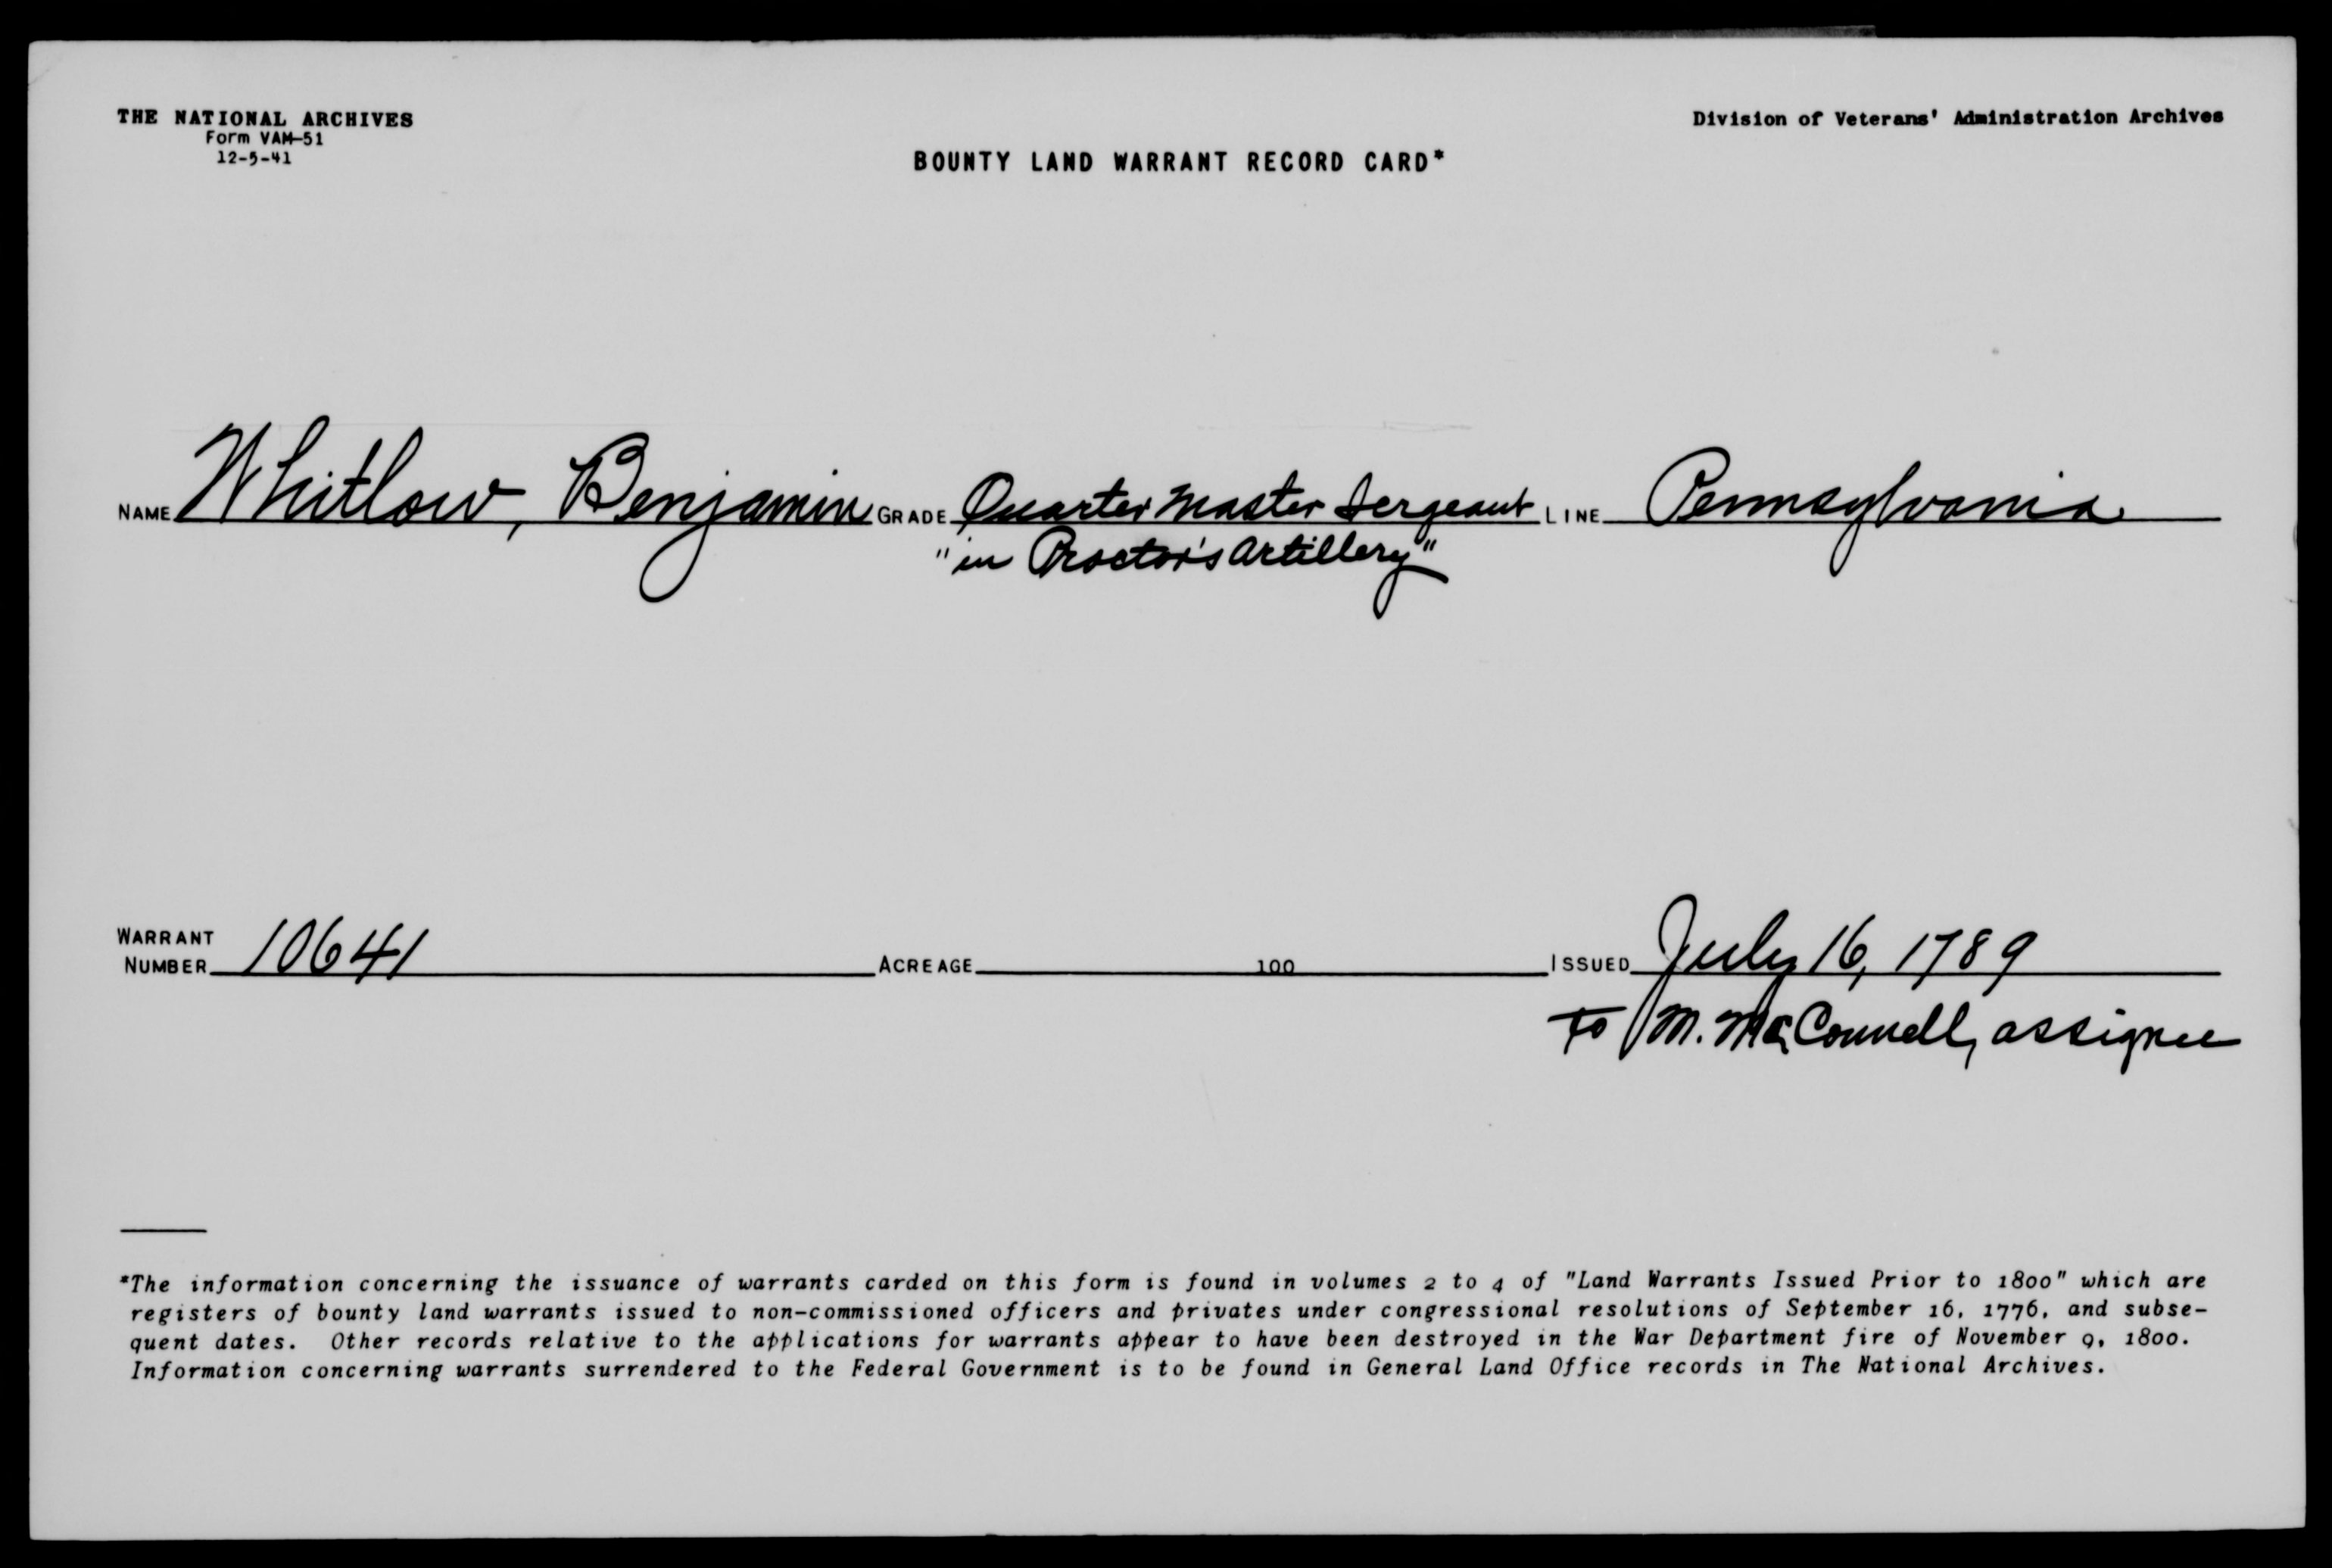THE NATIONAL ARCHIVES
Form VAM-51
12-5-41

BOUNTY LAND WARRANT RECORD CARD*

Division of Veterans' Administration Archives

NAME: Whitlow, Benjamin
GRADE: Quarter Master Sergeant "in Preston's Artillery"
LINE: Pennsylvania
WARRANT NUMBER: 10641
ACREAGE: 100
ISSUED: July 16, 1789
to M. McConnell, assignee

*This information concerning the issuance of warrants carded on this form is found in volumes 2 to 4 of "Land Warrants Issued Prior to 1800" which are registers of bounty land warrants issued to non-commissioned officers and privates under congressional resolutions of September 16, 1776, and subsequent dates. Other records relative to the applications for warrants appear to have been destroyed in the War Department fire of November 9, 1800. Information concerning warrants surrendered to the Federal Government is to be found in General Land Office records in The National Archives.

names: Benjamin Whitlow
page: 32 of 32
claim: survivor's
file: S. 16020, Thomas Whitlock, Va.